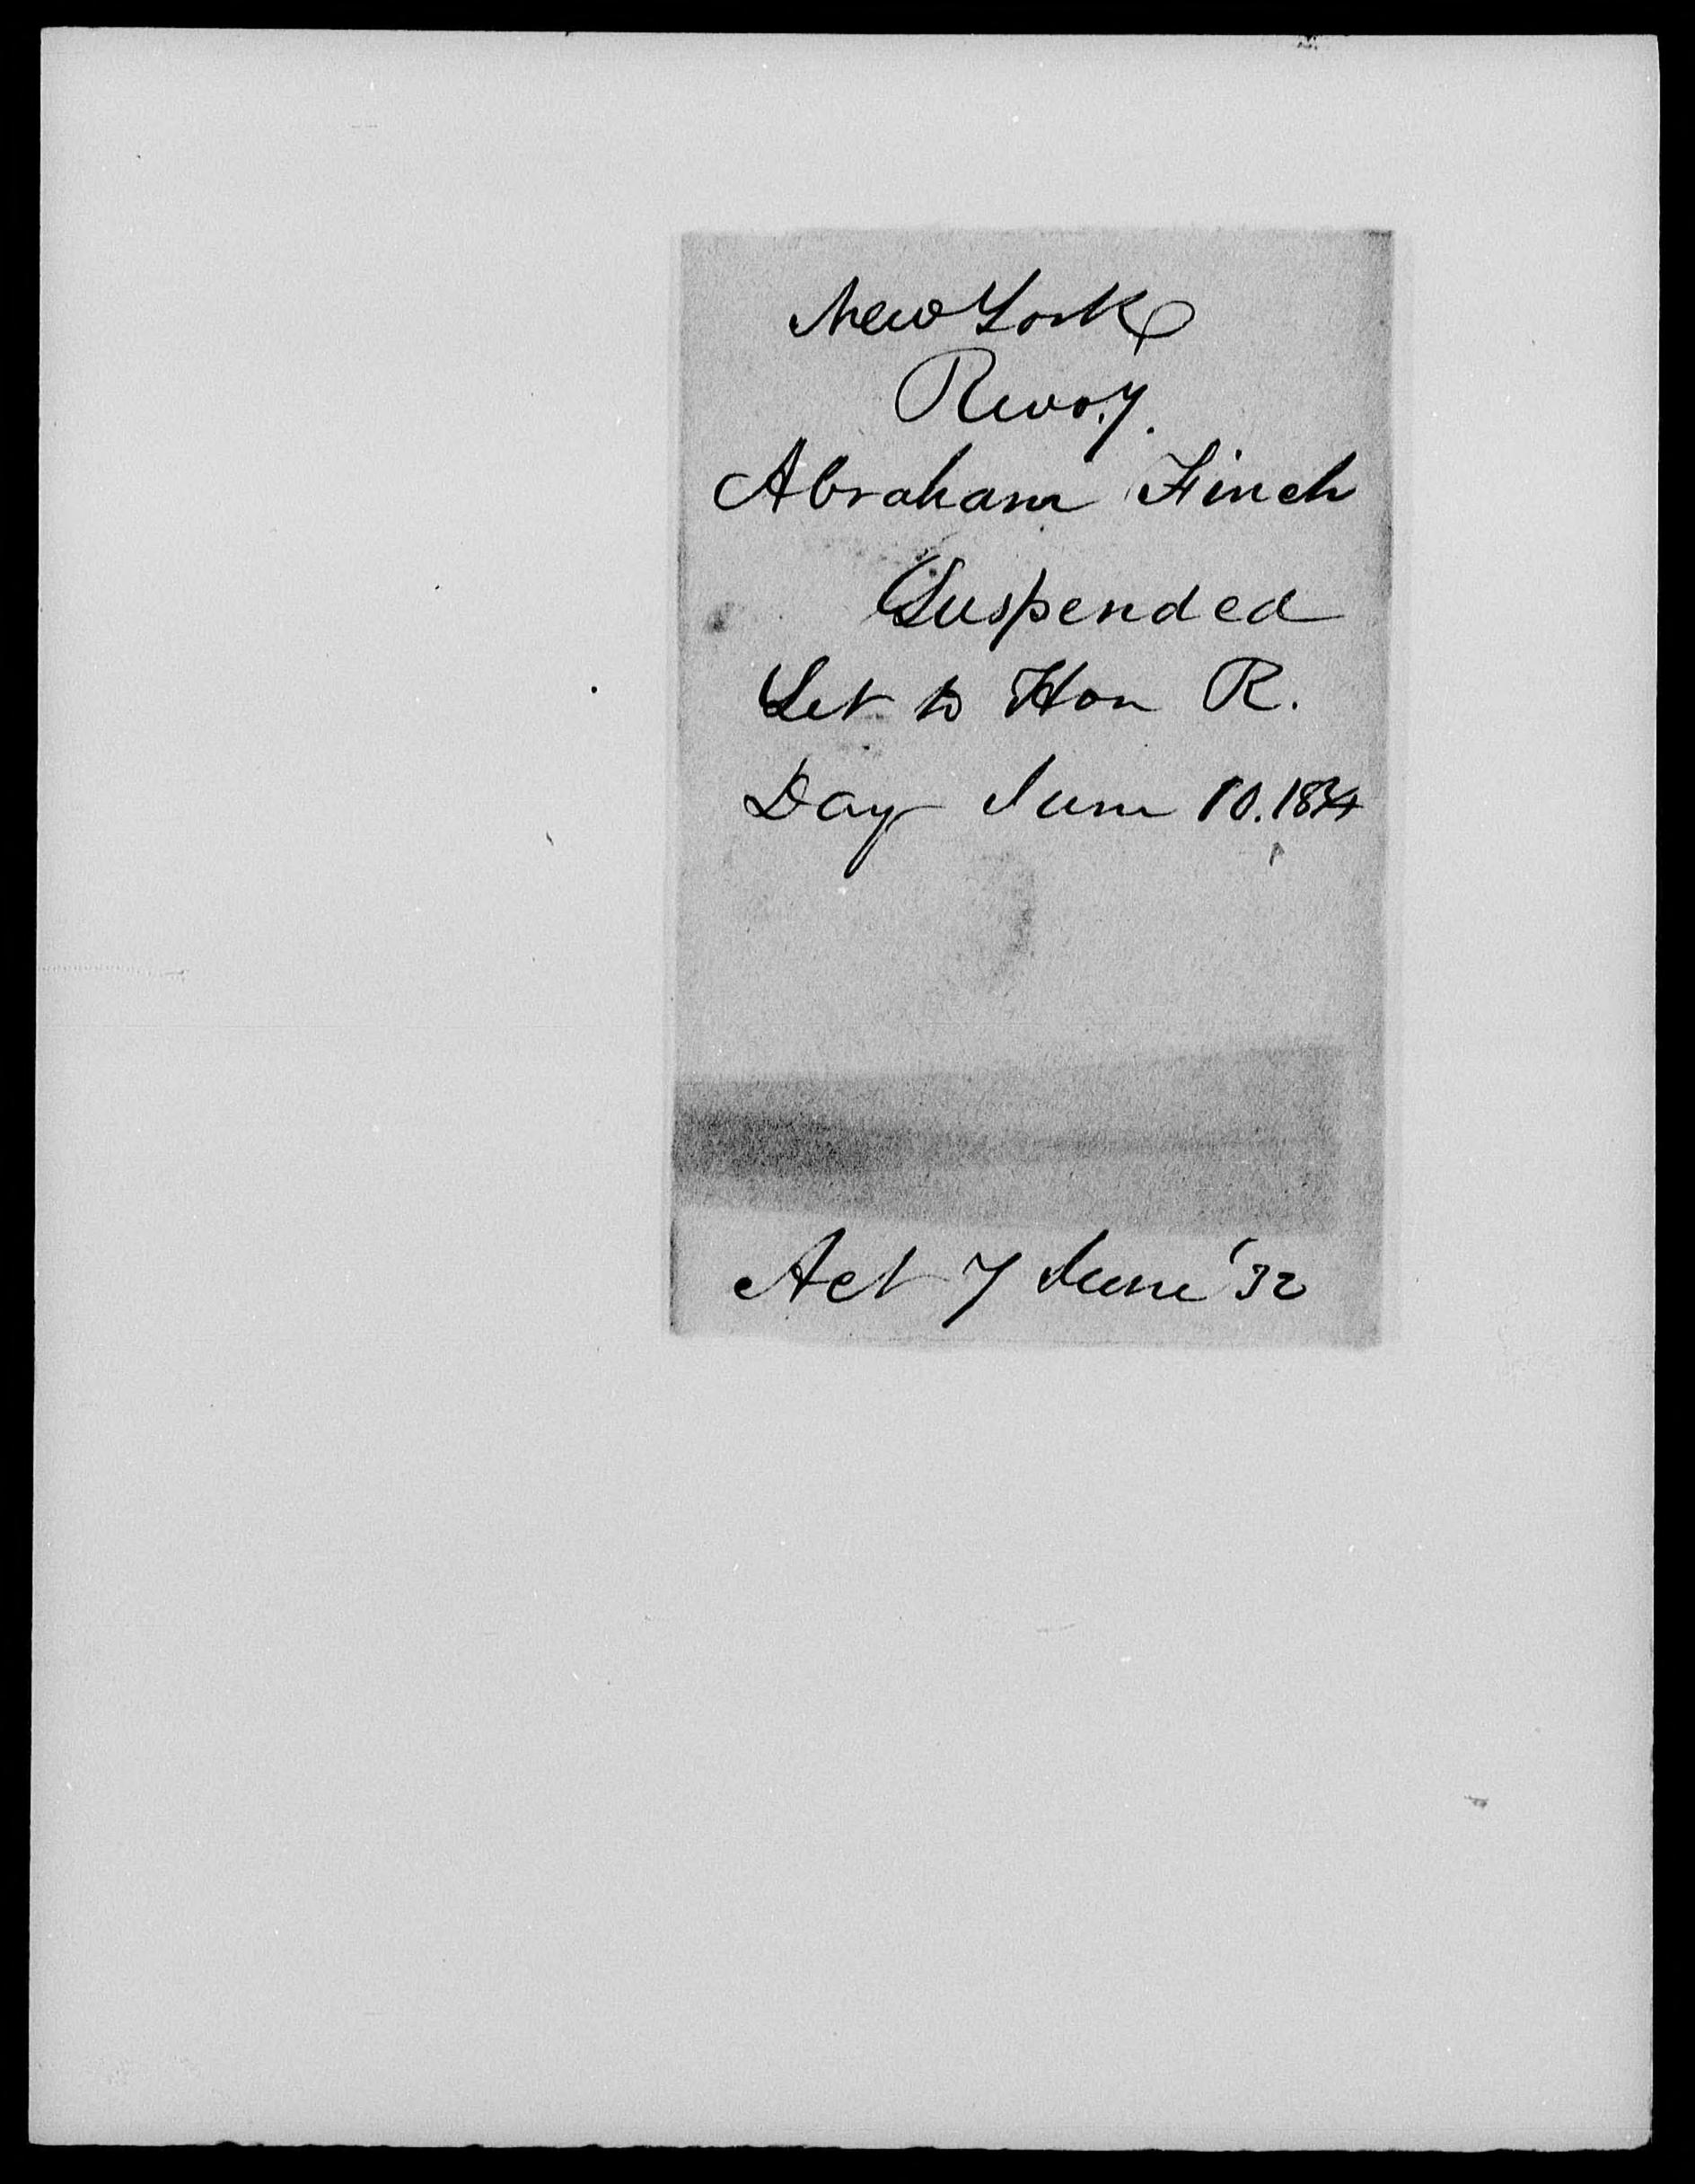New York
Revy
Abraham Finch
Suspended
Let to Hon R. Day June 10 1834

Act 7 June '32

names: Abraham Finch, R Day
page: 13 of 35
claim: survivor's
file: S. 28727, Abraham Finch, Conn.